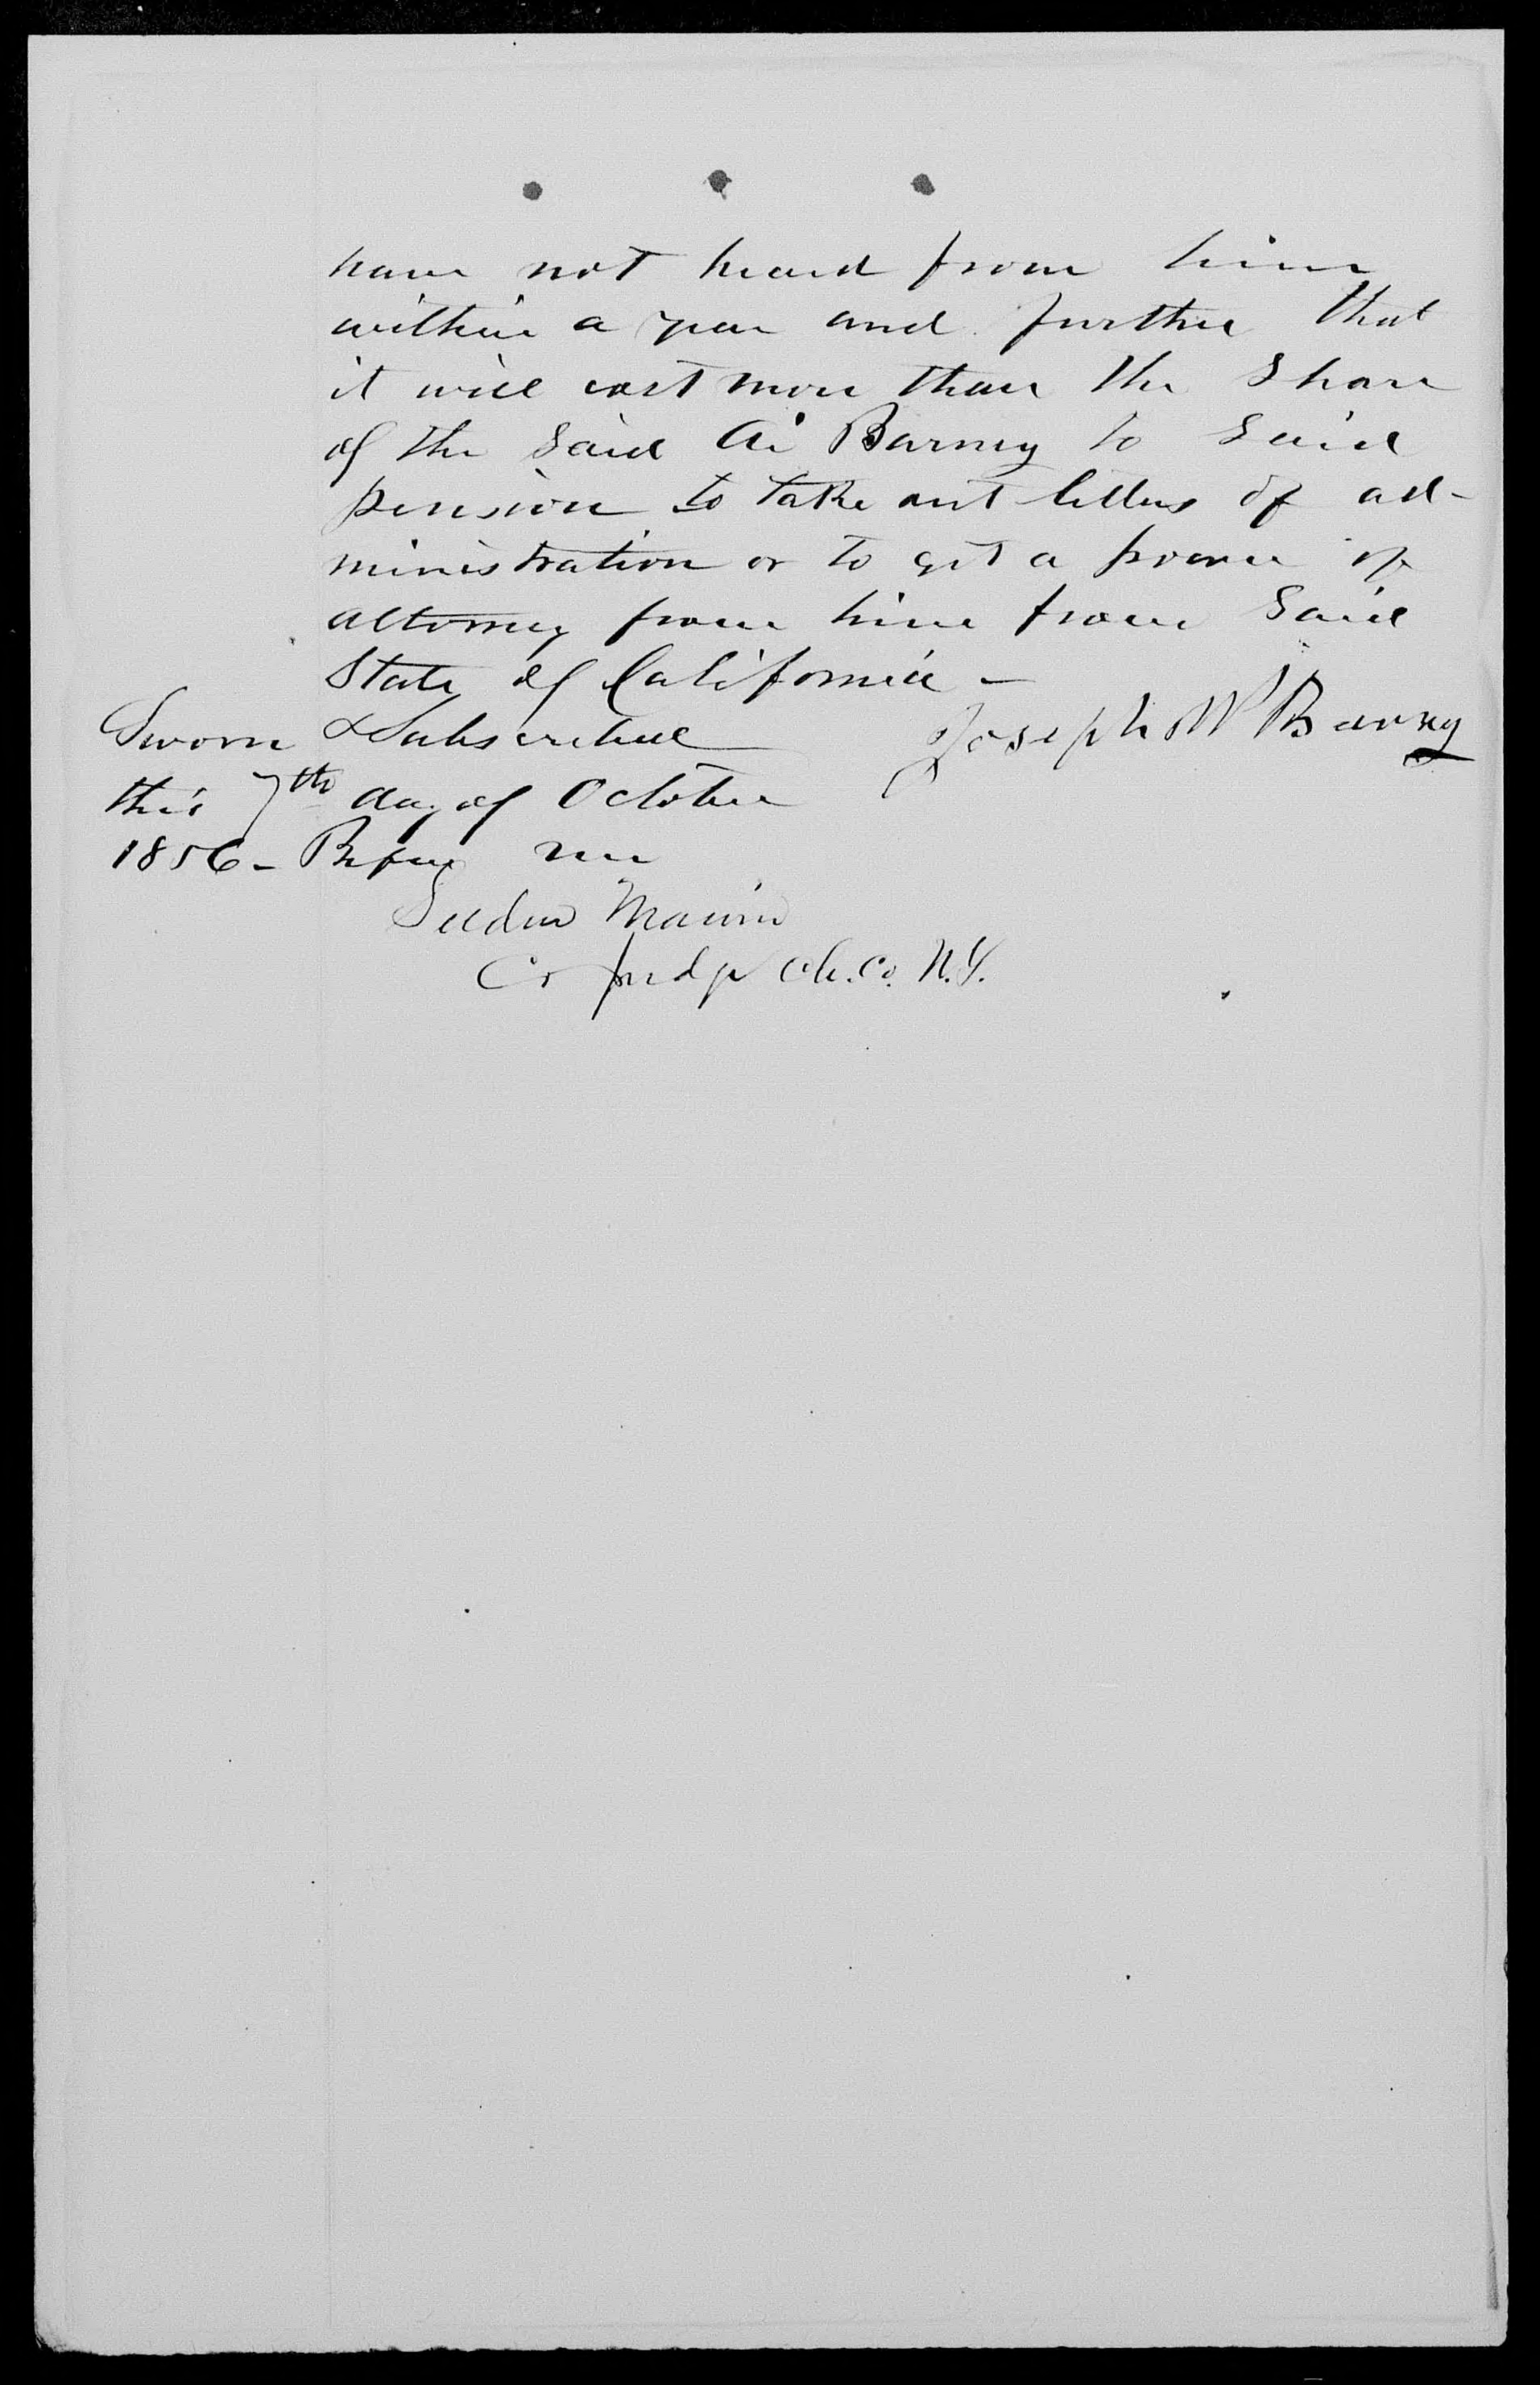have not heard from him within a year and further
that it will cost more than the share of the said Ai Barney to said pension to take out letters of administration or to get a power of attorney from him from said State of California.

Joseph W Barney

Sworn & Subscribed this 7th day of October 1856 before me
Seldin Marvin
Co Judge Ch. Co. N.Y.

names: Selden Marvin, Joseph W Barney, Ai Barney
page: 33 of 61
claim: widow's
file: W. 4.124, Luther Barney, Conn. Privateer.